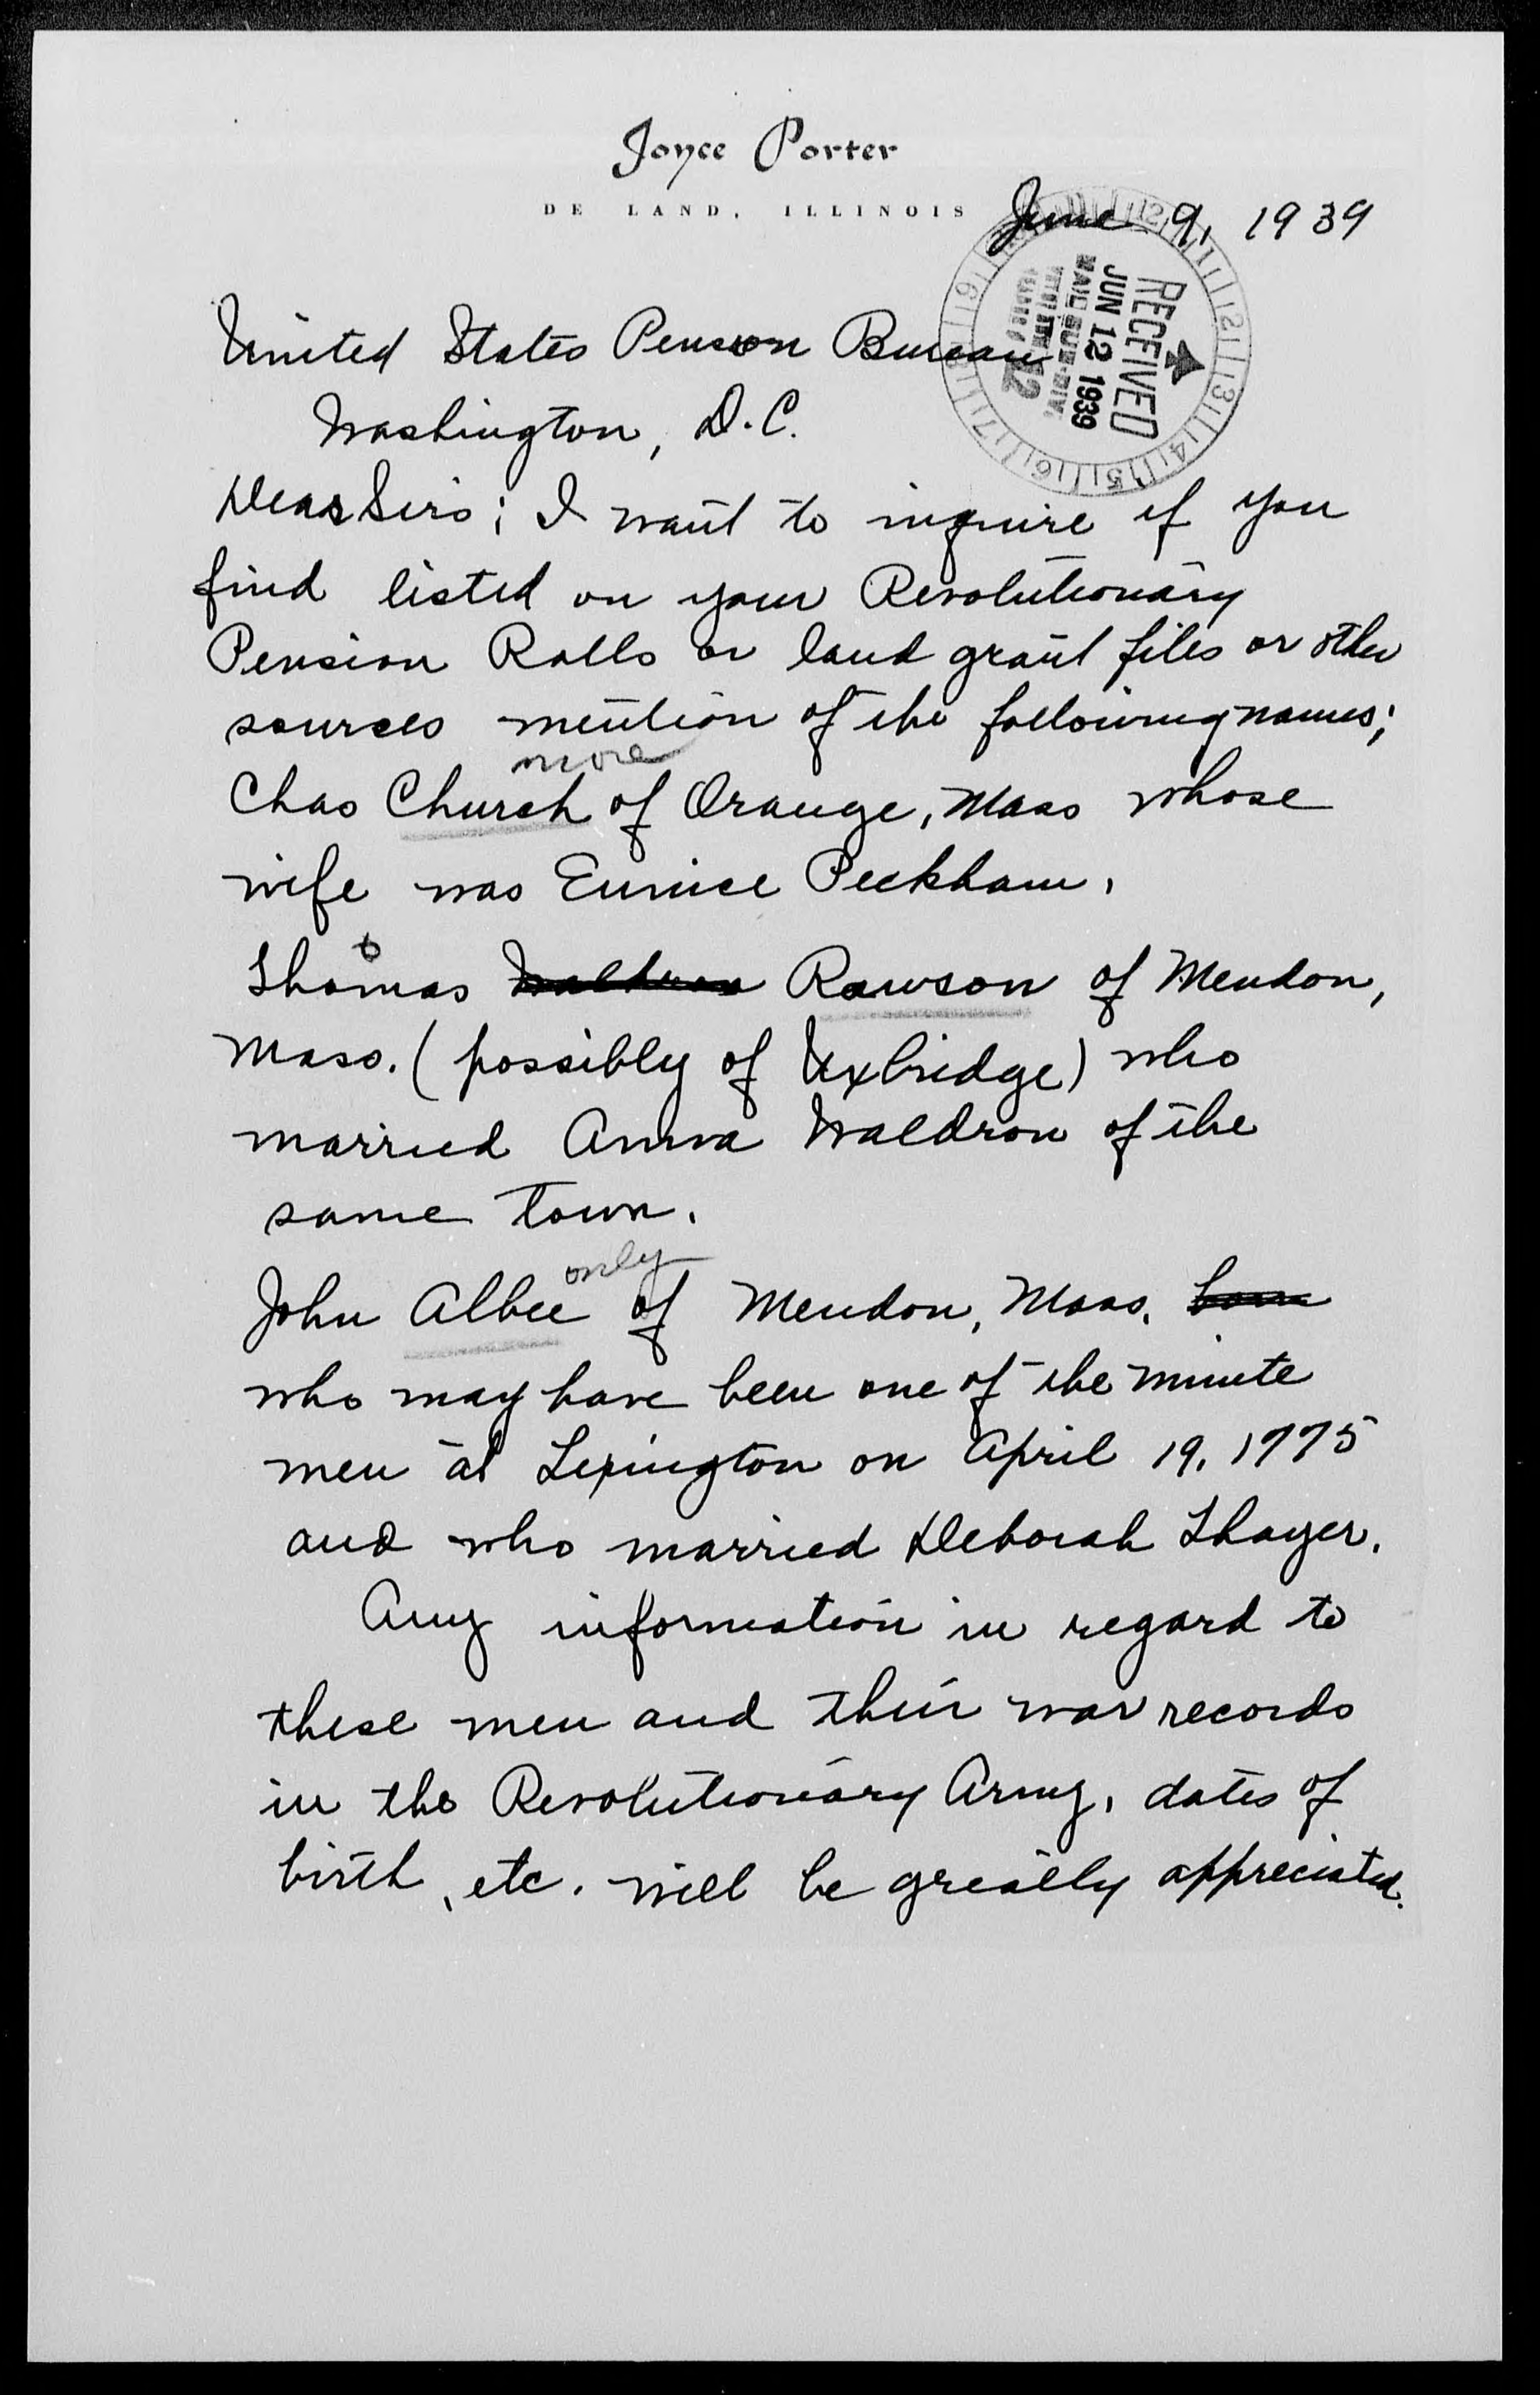Joyce Porter
De Land, Illinois
June 9, 1939

United States Pension Bureau
Washington, D.C.

Dear Sirs:

I want to inquire if you find listed on your Revolutionary Pension Rolls or land grant files or other sources mention of the following names; Charles Church of Orange, Mass whose wife was Eunice Peckham,
and 
Thomas Rawson of Mendon, Mass., (possibly of Oxbridge) who married Ann Waldron of the same town.
John Albee of Mendon, Mass, who may have been one of the minute men at Lexington, on April 19, 1775 and who married Deborah Thayter.
Any information in regard to these men and their war records in the Revolutionary Army, dates of birth, etc. will be greatly appreciated.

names: Thomas Rawson, Joyce Porter, John Albee, Chas Church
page: 21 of 29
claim: survivor's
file: S 41404, Eleazer John Albee, Mass. Privateer